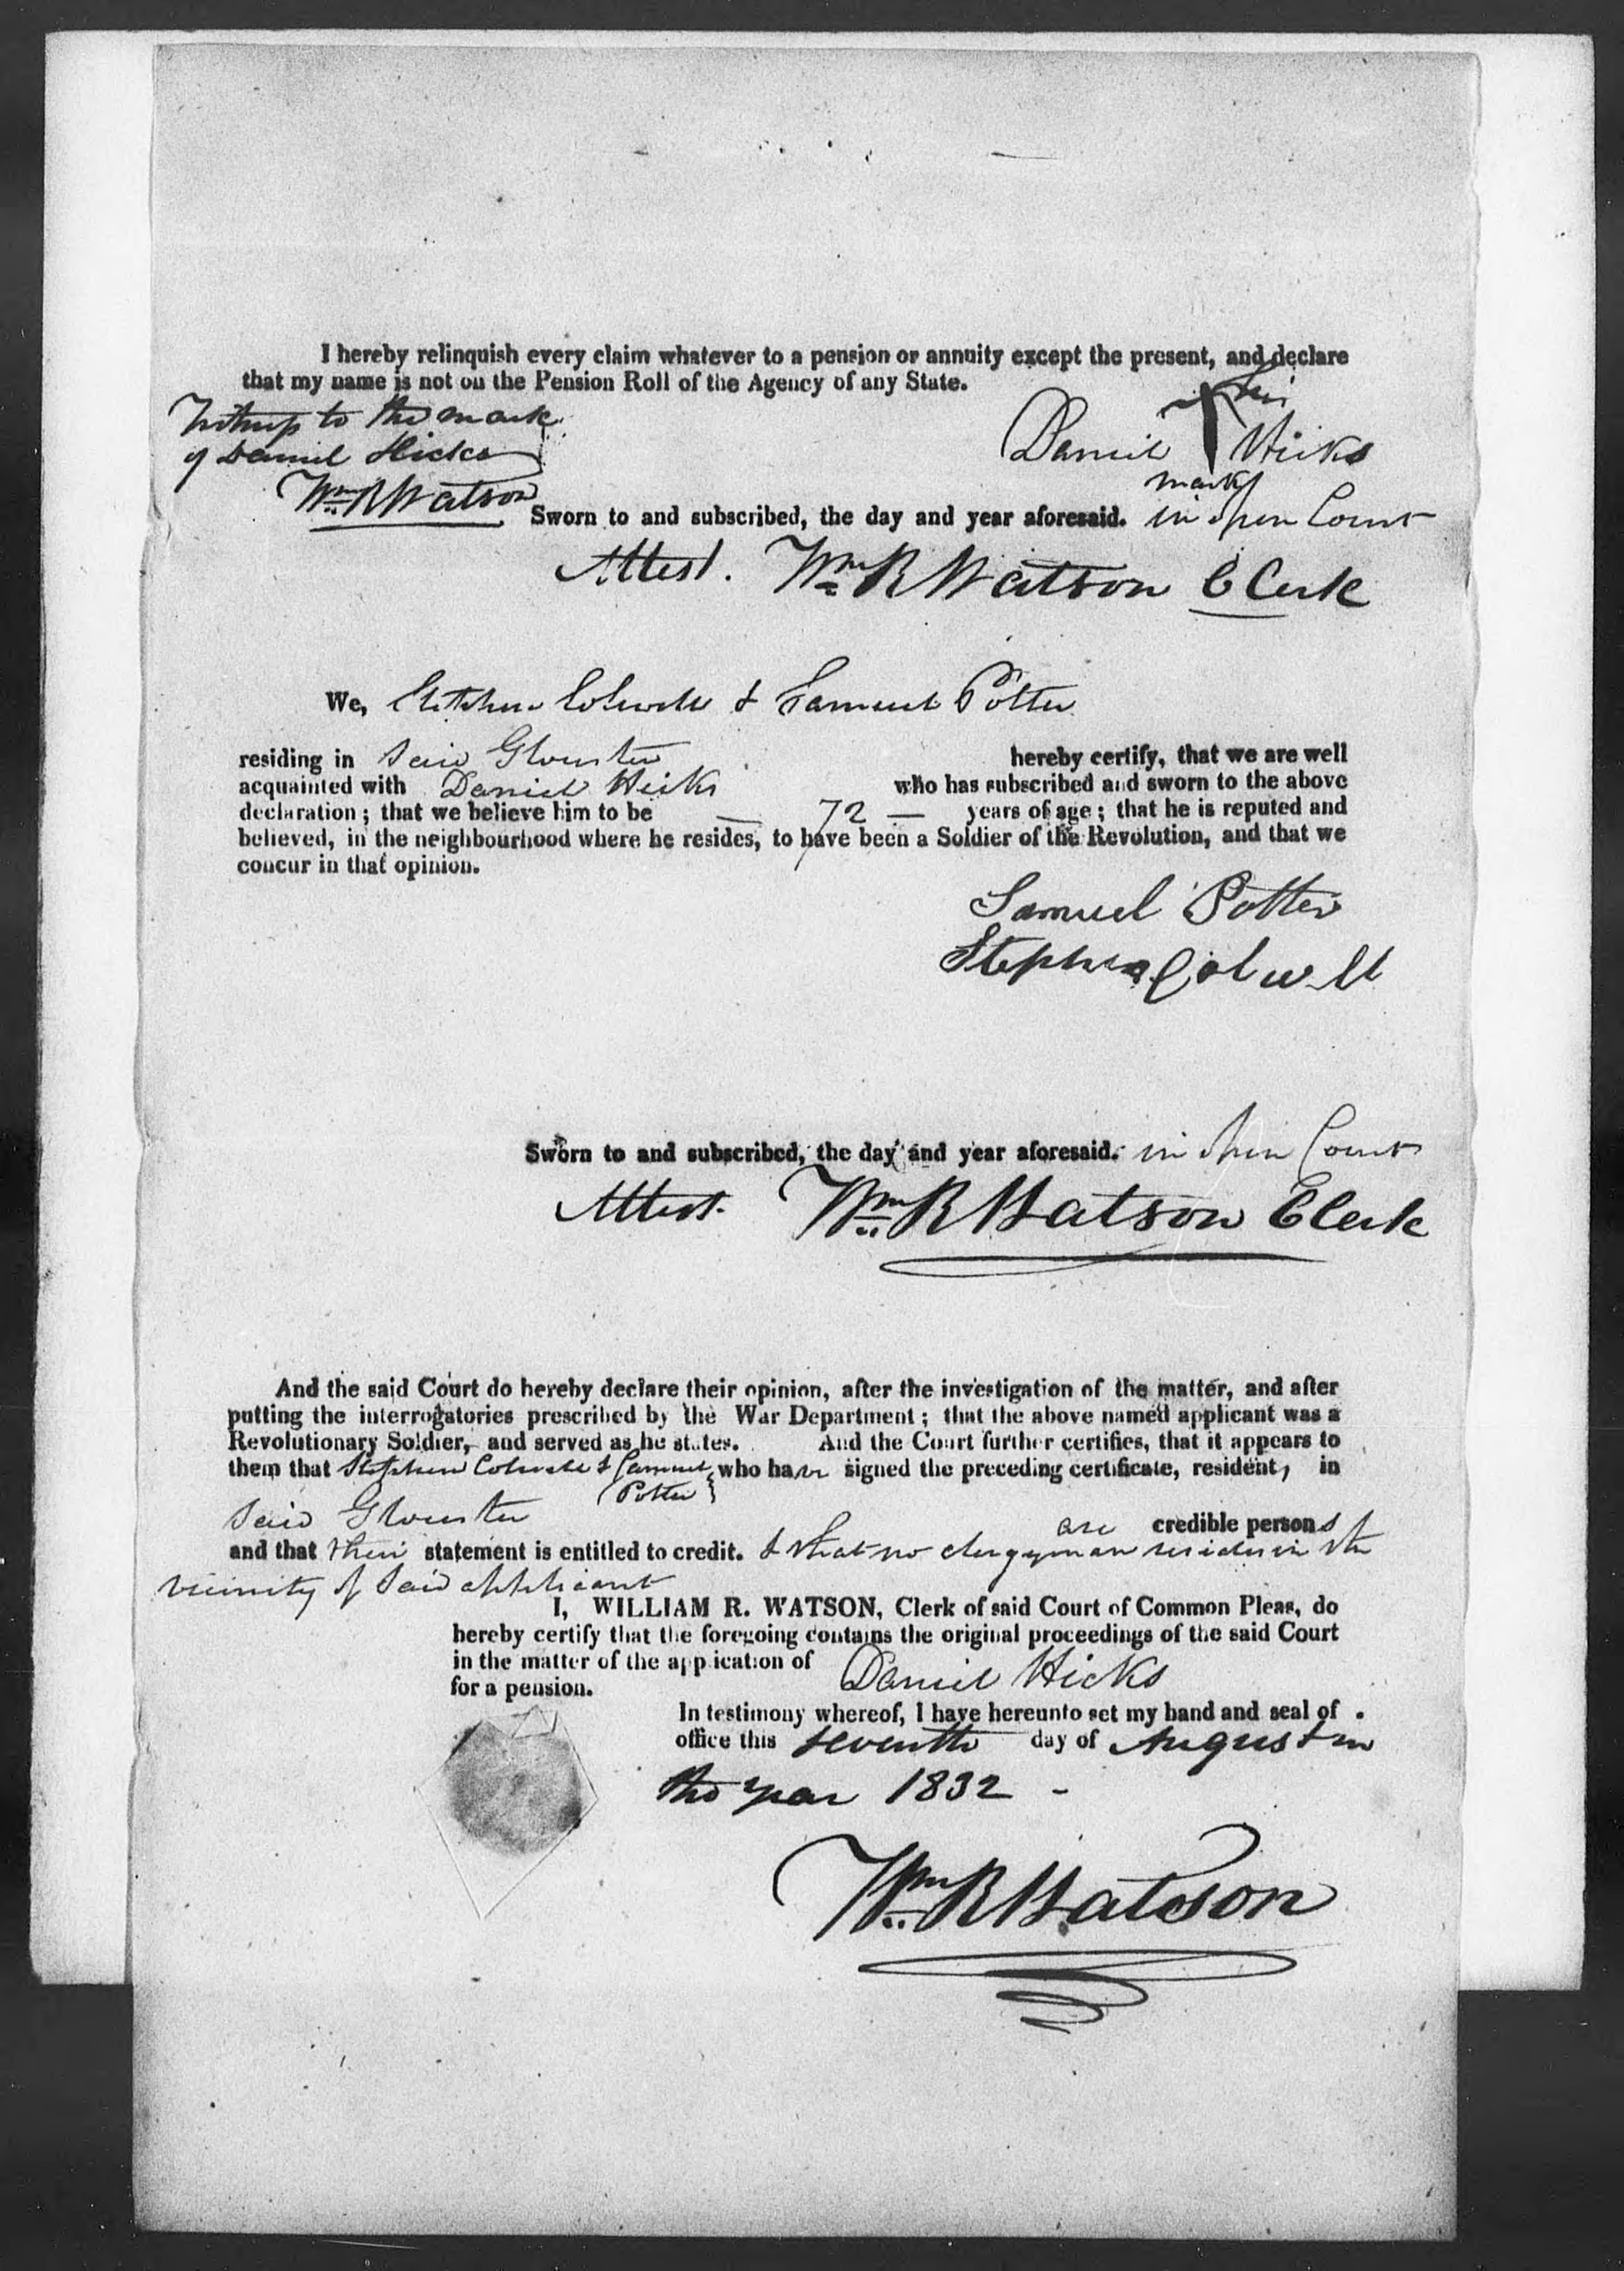I hereby relinquish every claim whatever to a pension or annuity except the present, and declare
that my name is not on the Pension Roll of the Agency of any State.
Witness to the mark
of Daniel Hicks
Daniel His X mark Wicks

Sworn to and subscribed, the day and year aforesaid, in open Court
Attest Wm R Watson  Clerk

We, Letcher Colwell & Samuel Cotter
residing in said Glouster
hereby certify, that we are well
acquainted with Daniel Hicks
who has subscribed and sworn to the above
declaration; that we believe him to be
years of age; that he is reputed and that we 
concur in that opinion.
---
Signatures of Samuel Potter
Stephen Colwell

Sworn to and subscribed the day and year aforesaid in the Court
Wm R Watson Clerk

And the said Court do hereby declare their opinion, after the investigation of the matter, and after
putting the interrogatories prescribed by the War Department; that the above named applicant was a
Revolutionary Soldier, and served as he states.
said Glouster
And the Court further certifies, that it appears to
them that Stephen, who have signed the preceding certificate, resident in
vicinity of said applicant
a credible persons
and that their statement is entitled to credit. & that no clergyman resides in the vicniity of said applicant.
I,
WILLIAM R. WATSON, Clerk of said Court of Common Pleas, do
hereby certify that the foregoing contains the original proceedings of the said Court
in the matter of the application of Daniel Hicks
for a pension.
In testimony whereof, I have hereunto set my hand and seal of
office this seventh day of August in
the year 1832
Signature of Wm R Watson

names: Daniel Hicks, Stephen Colwell, Daniel Hicks, Wm R Watson, Daniel Hicks, Samuel Potter, Samuel Potter, William R Watson, Wm R Watson, Stephen Colwell, Wm R Watson, Stephen Colwell, Daniel Hicks, Samuel Potter, Wm R Watson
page: 6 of 17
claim: survivor's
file: S. 21285, Daniel Hicks, R.I.